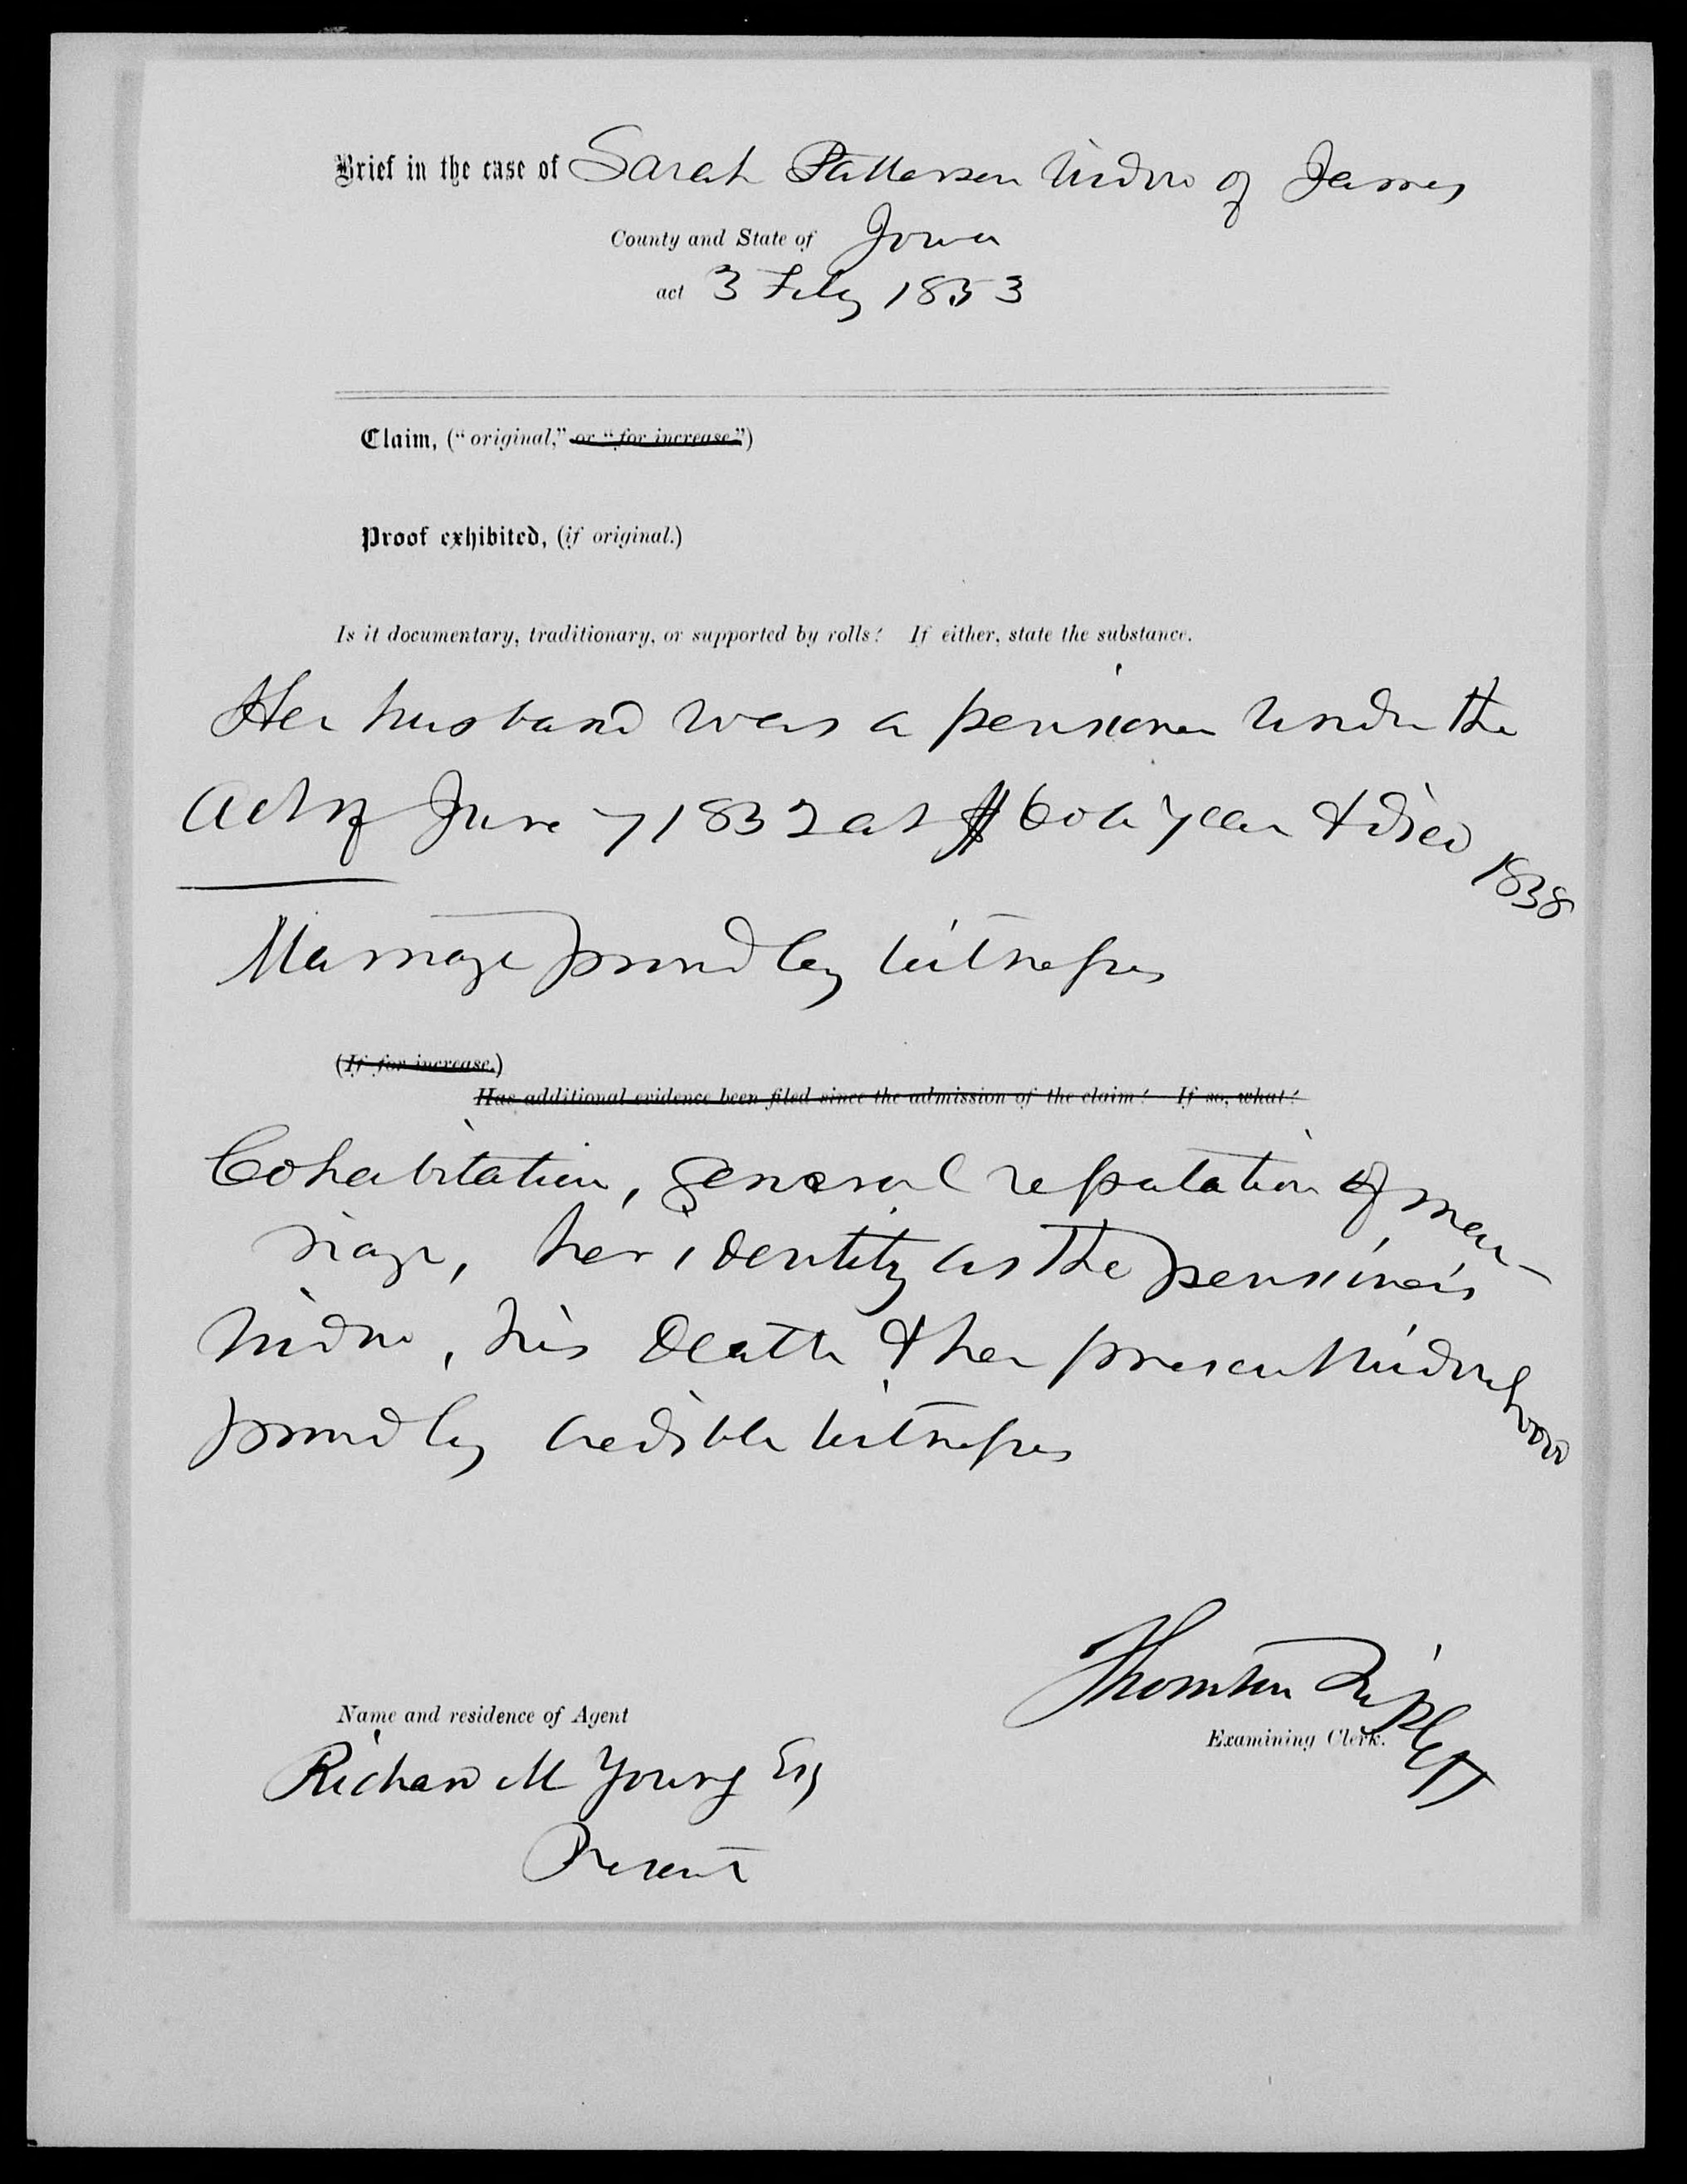Brief in the case of Sarah Patterson Widow of James 
County and State of Iowa 
Act 3 [illegible July or Feby] 1853 

Claim, (“original," or "for increase ") 

Proof exhibited, (if original.) 

Is it documentary, traditionary, or supported by rolls? If either, state the substance. 
Her husband was a pensioner under the Act of June 7 1832 at $60 year & [illegible de - ] 1838
Marriage found by witnesses 

(If for increase,)
Has additional evidence been filed since the admission of the claim? If so, what?

cohabitation, General reputation of marriage, her identity as the pensioner’s widow, his death then [illegible present widow] found by credible witnesses 

						Thornton Triplett 
Examining Clerk
Name and residence of Agent 
Richard M Young Esq 
Present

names: Richard M Young; Thornton Triplett; James Patterson; Sarah Patterson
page: 29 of 69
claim: widow's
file: W. 10861, for James Patterson, North Carolina